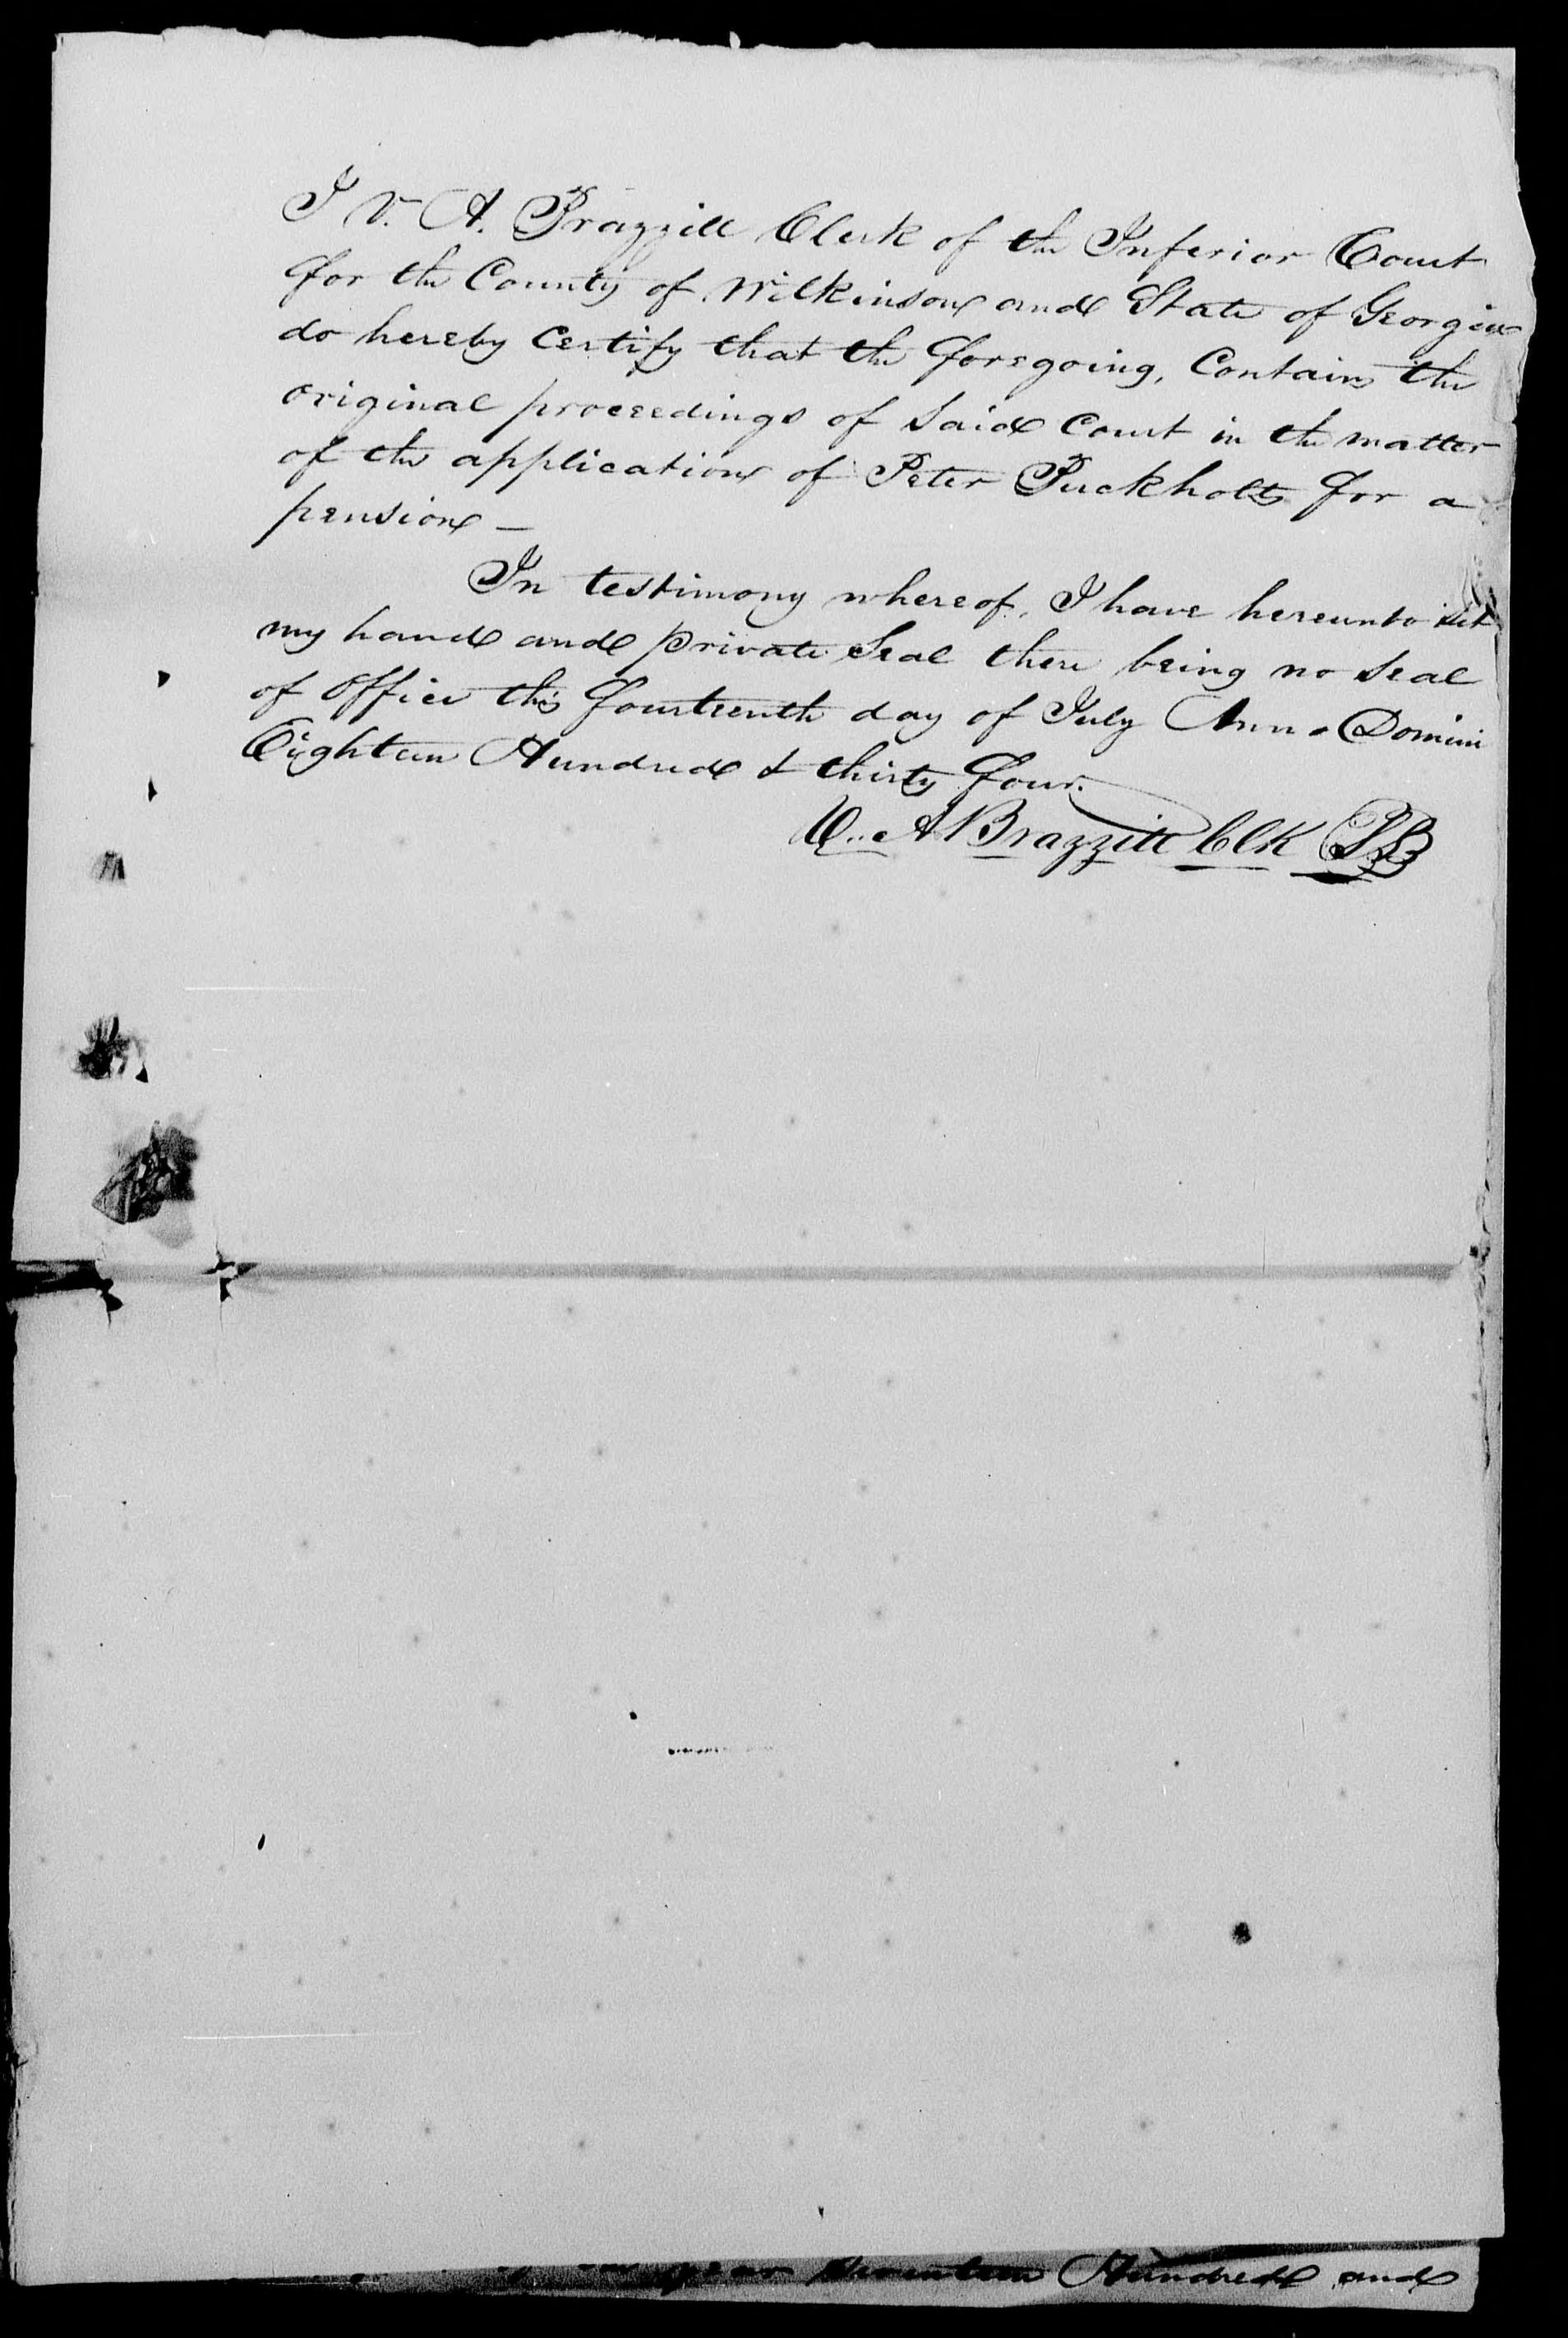I V.A. Brazzill Clerk of the Inferior Court for the County of Wilkinson and State of Georgia do hereby certify that the foregoing contains the original proceedings of said Court in the matter of the application of Peter Buckholts for a pension.
In testimony whereof, I have hereunto my hand and private Seal there being no seal of Office this fourteenth day of July Anno Domini Eighteen Hundred & thirty four.
V.A. Brazzill Clk {SS}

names: V A Brazzill, Peter Buckholts, V A Brazzill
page: 12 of 23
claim: rejected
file: R. 1465, Peter Buckholts, S.C.